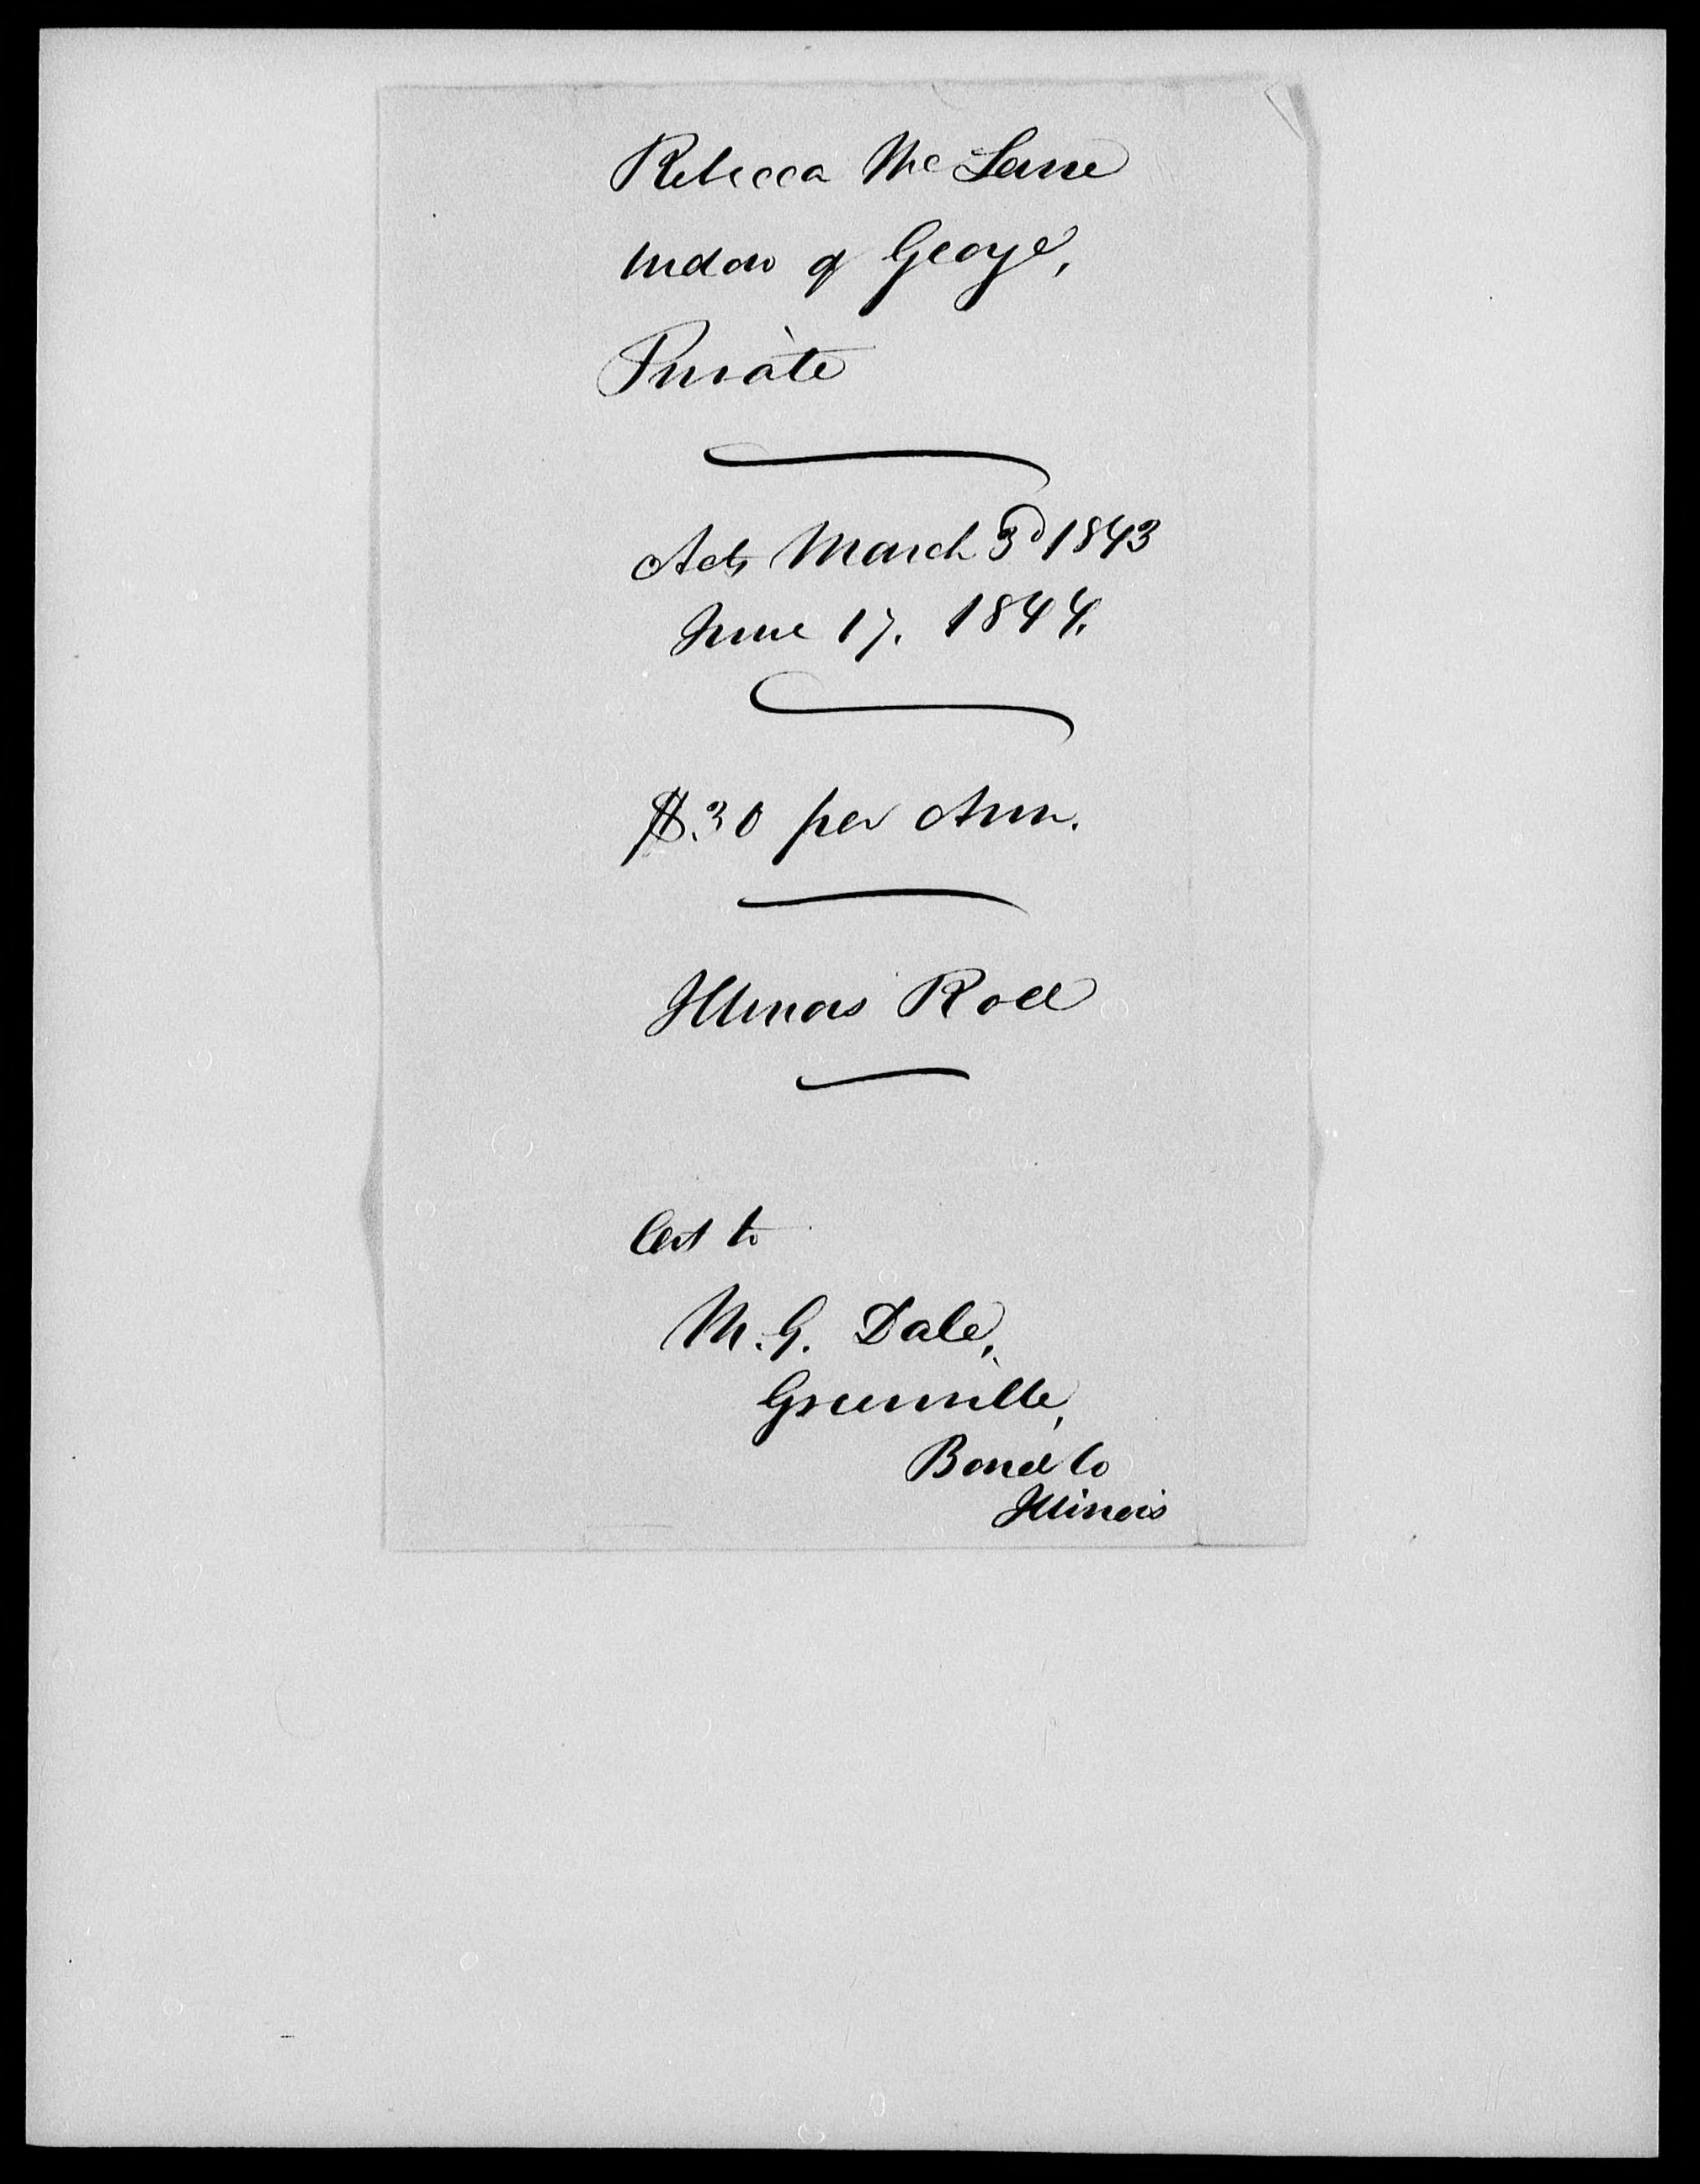Rebecca McLane [Sic]
widow of George 
Private 

Acts March 3d 1843 June 17, 1844 
$30 per Ann. 

Illinois Roll 
Let [letter] to 
M. G. Dale, Greenville, Bond Co Illinois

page: 26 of 67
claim: widow's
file: W. 21793, for George Mc Lain, North Carolina